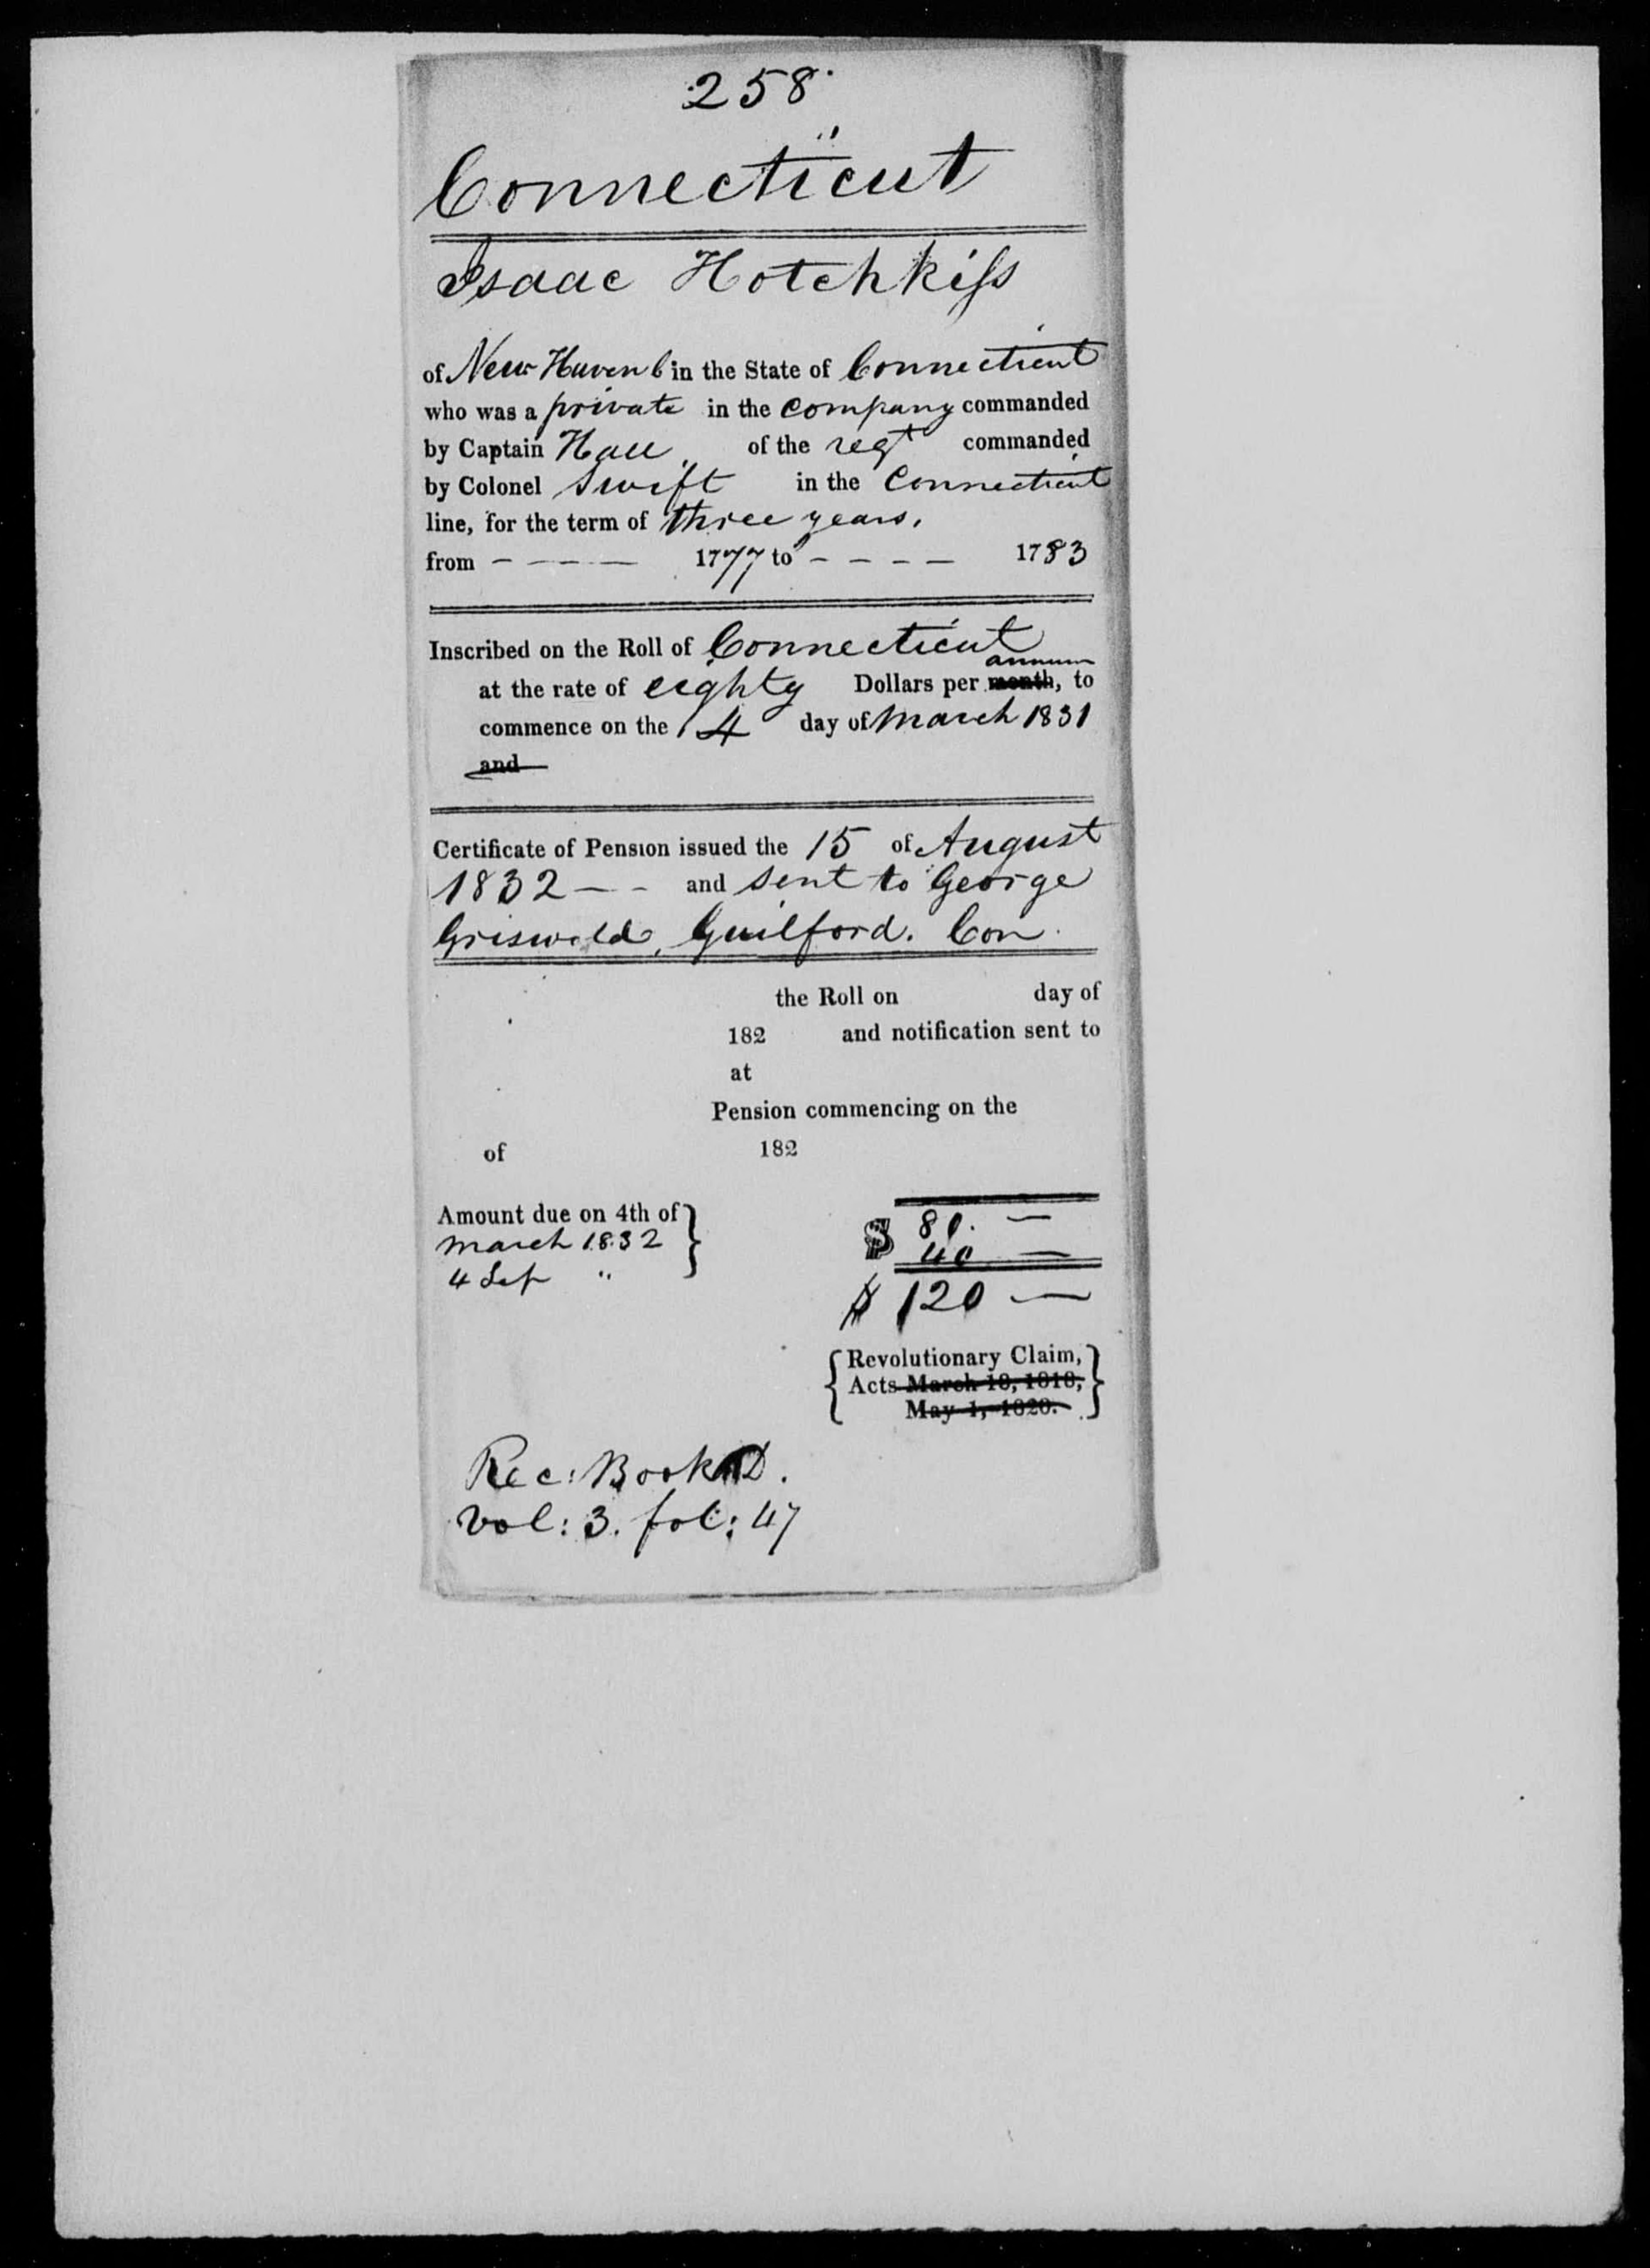258
Connecticut
Isaac Hotchkiss
of New Haven C in the State of Connecticut who was a private in the company commanded by Captain Hace of the nest commanded by Colonel Swift in the Connecticut line, for the term of three years, from --- 1777 to --- 1783

Inscribe on the Roll of Connecticut at the rate of eighty Dollars per annum, to commence on the 4 day of March 1831

Certificate of Pension issued the 15 of August 1832 -- and sent to George Griswold, Guilford. Con.

the Roll on   day of
182   and notification sent to
at
Pension commencing on the
of   182

Amount due on 4th of }
March 1832 }
4 Sep }

$80
$40

$120

{Revolutionary Claim,}
{Acts}

Rec: Book D.
Vol: 3. foc: 4y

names: Isaac Hotchkiss, Swift, George Griswold, Hall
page: 2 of 25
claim: widow's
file: W. 18,021, Isaac Hotchkiss, Conn.